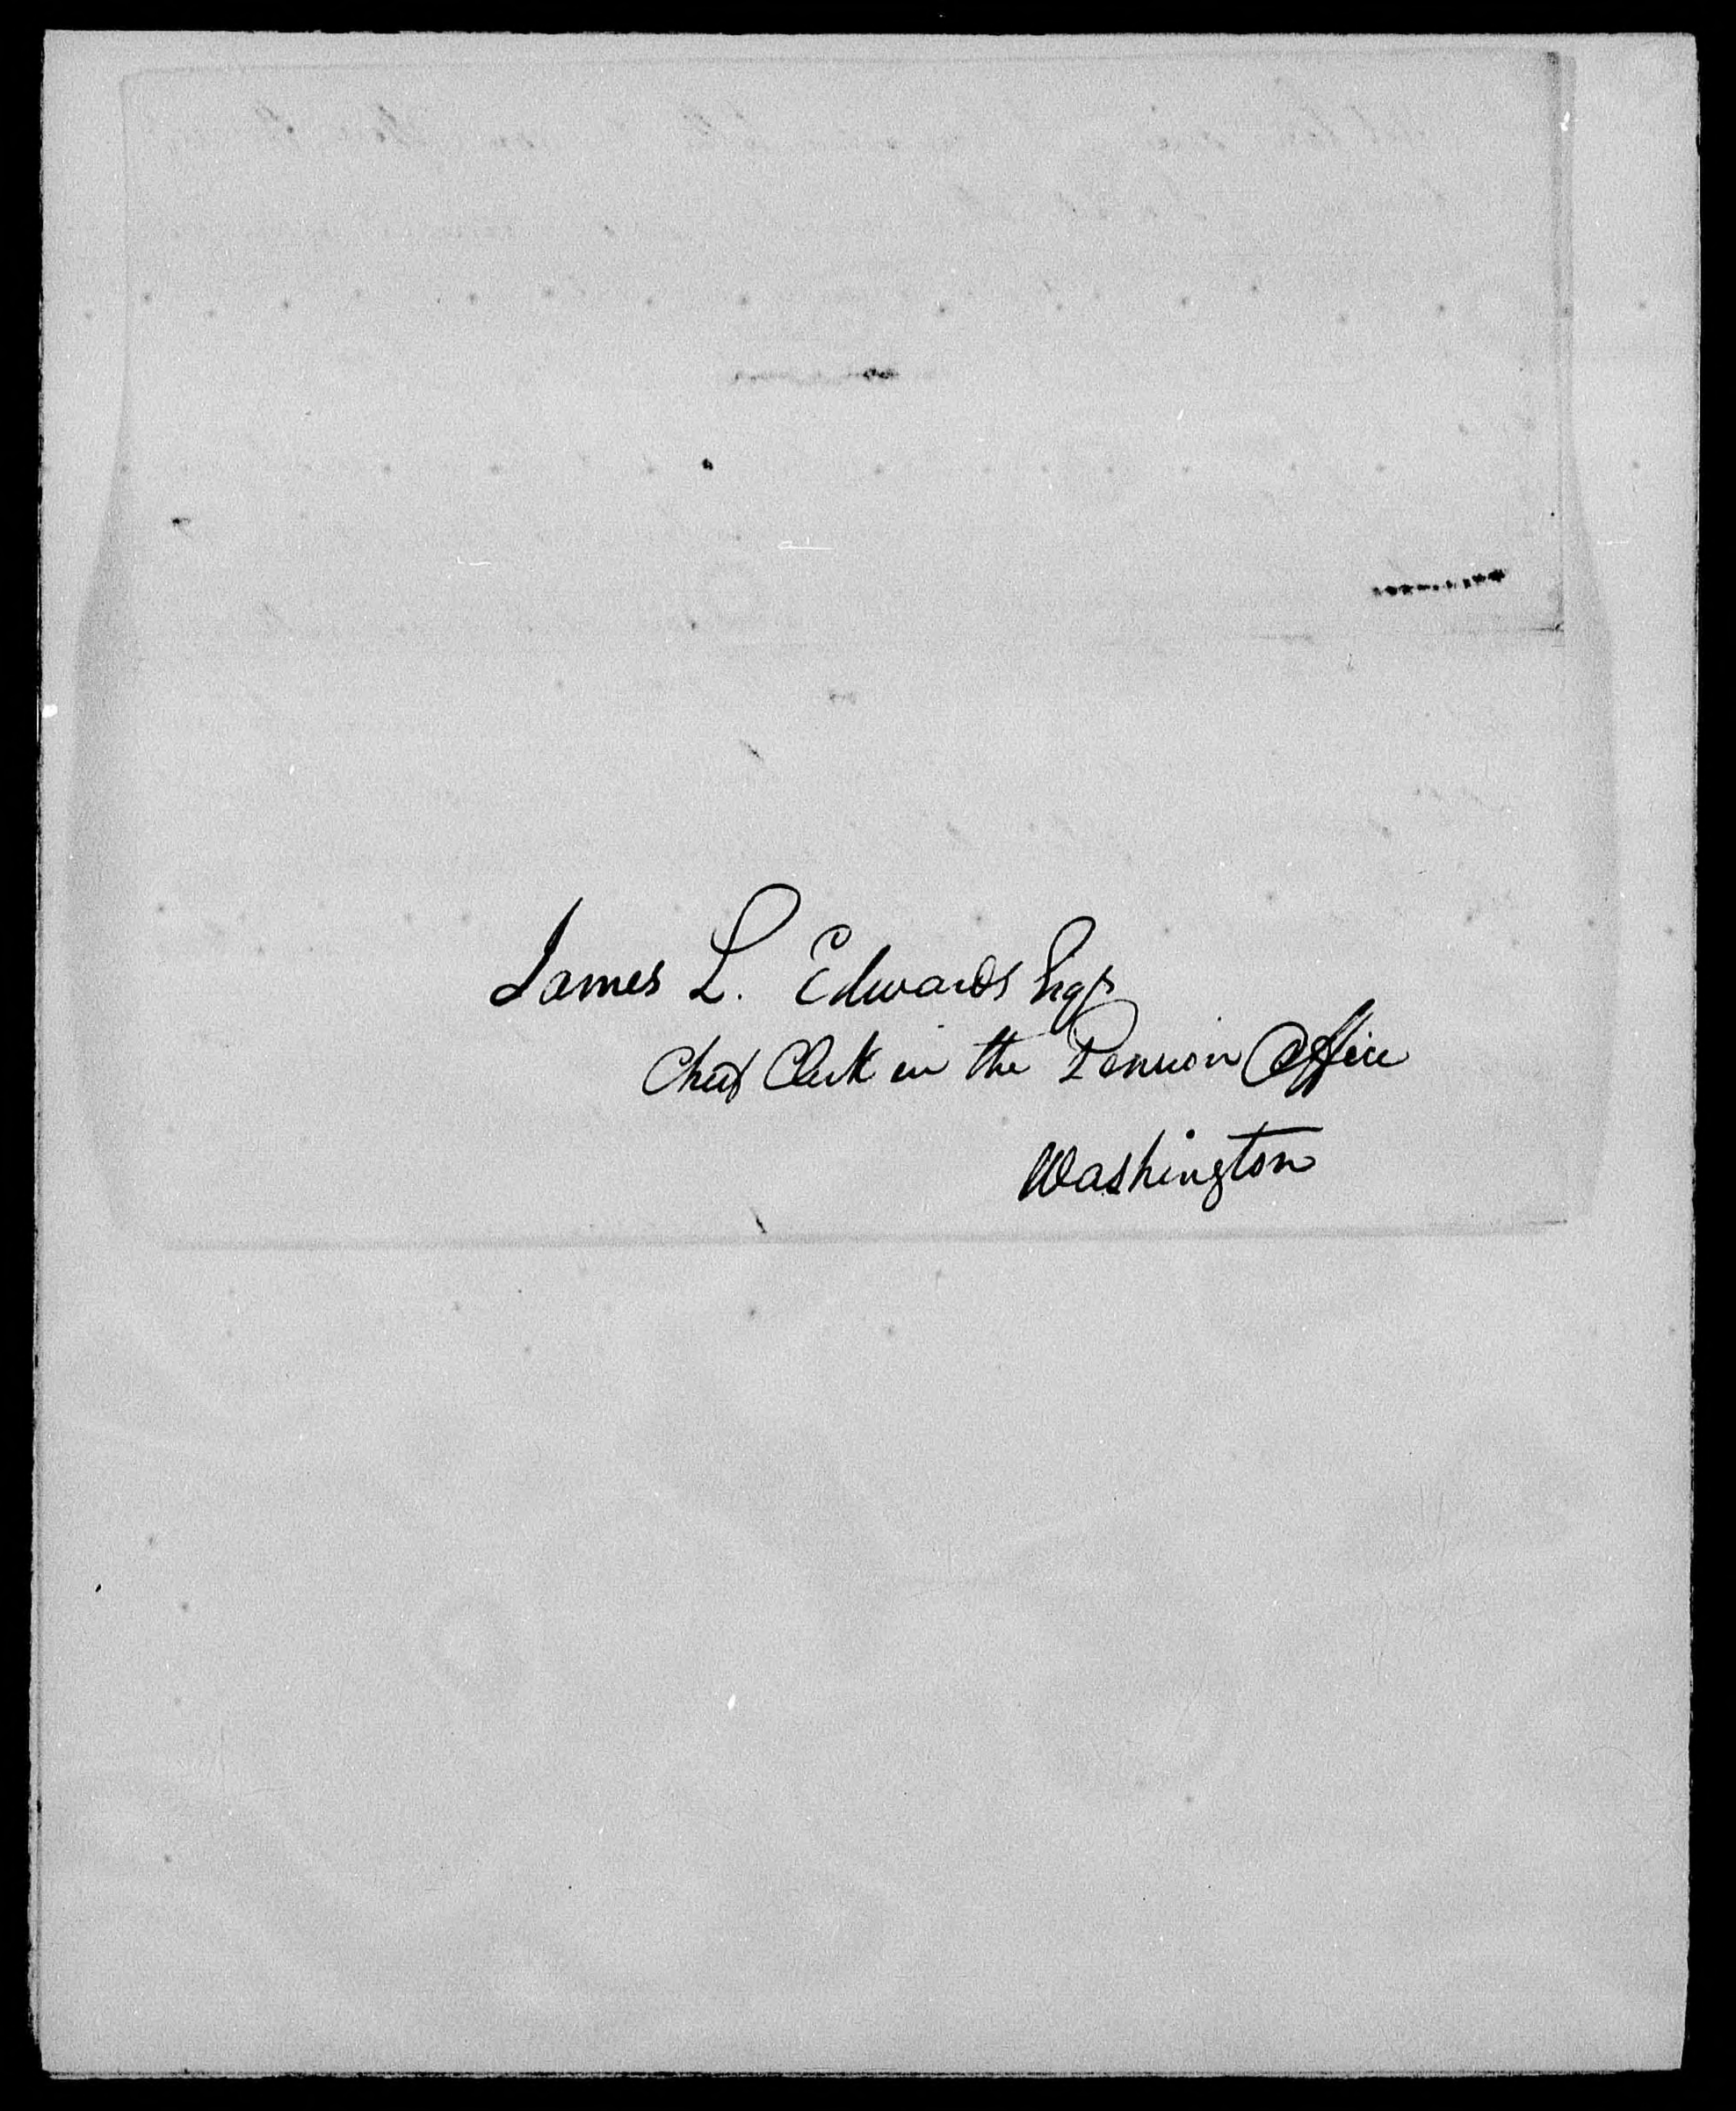James L. Edwards hq
Chief Clerk in the Pension Office
Washington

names: James L Edwards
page: 16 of 18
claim: survivor's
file: S. 34,831, Thomas Farwell, Conn.